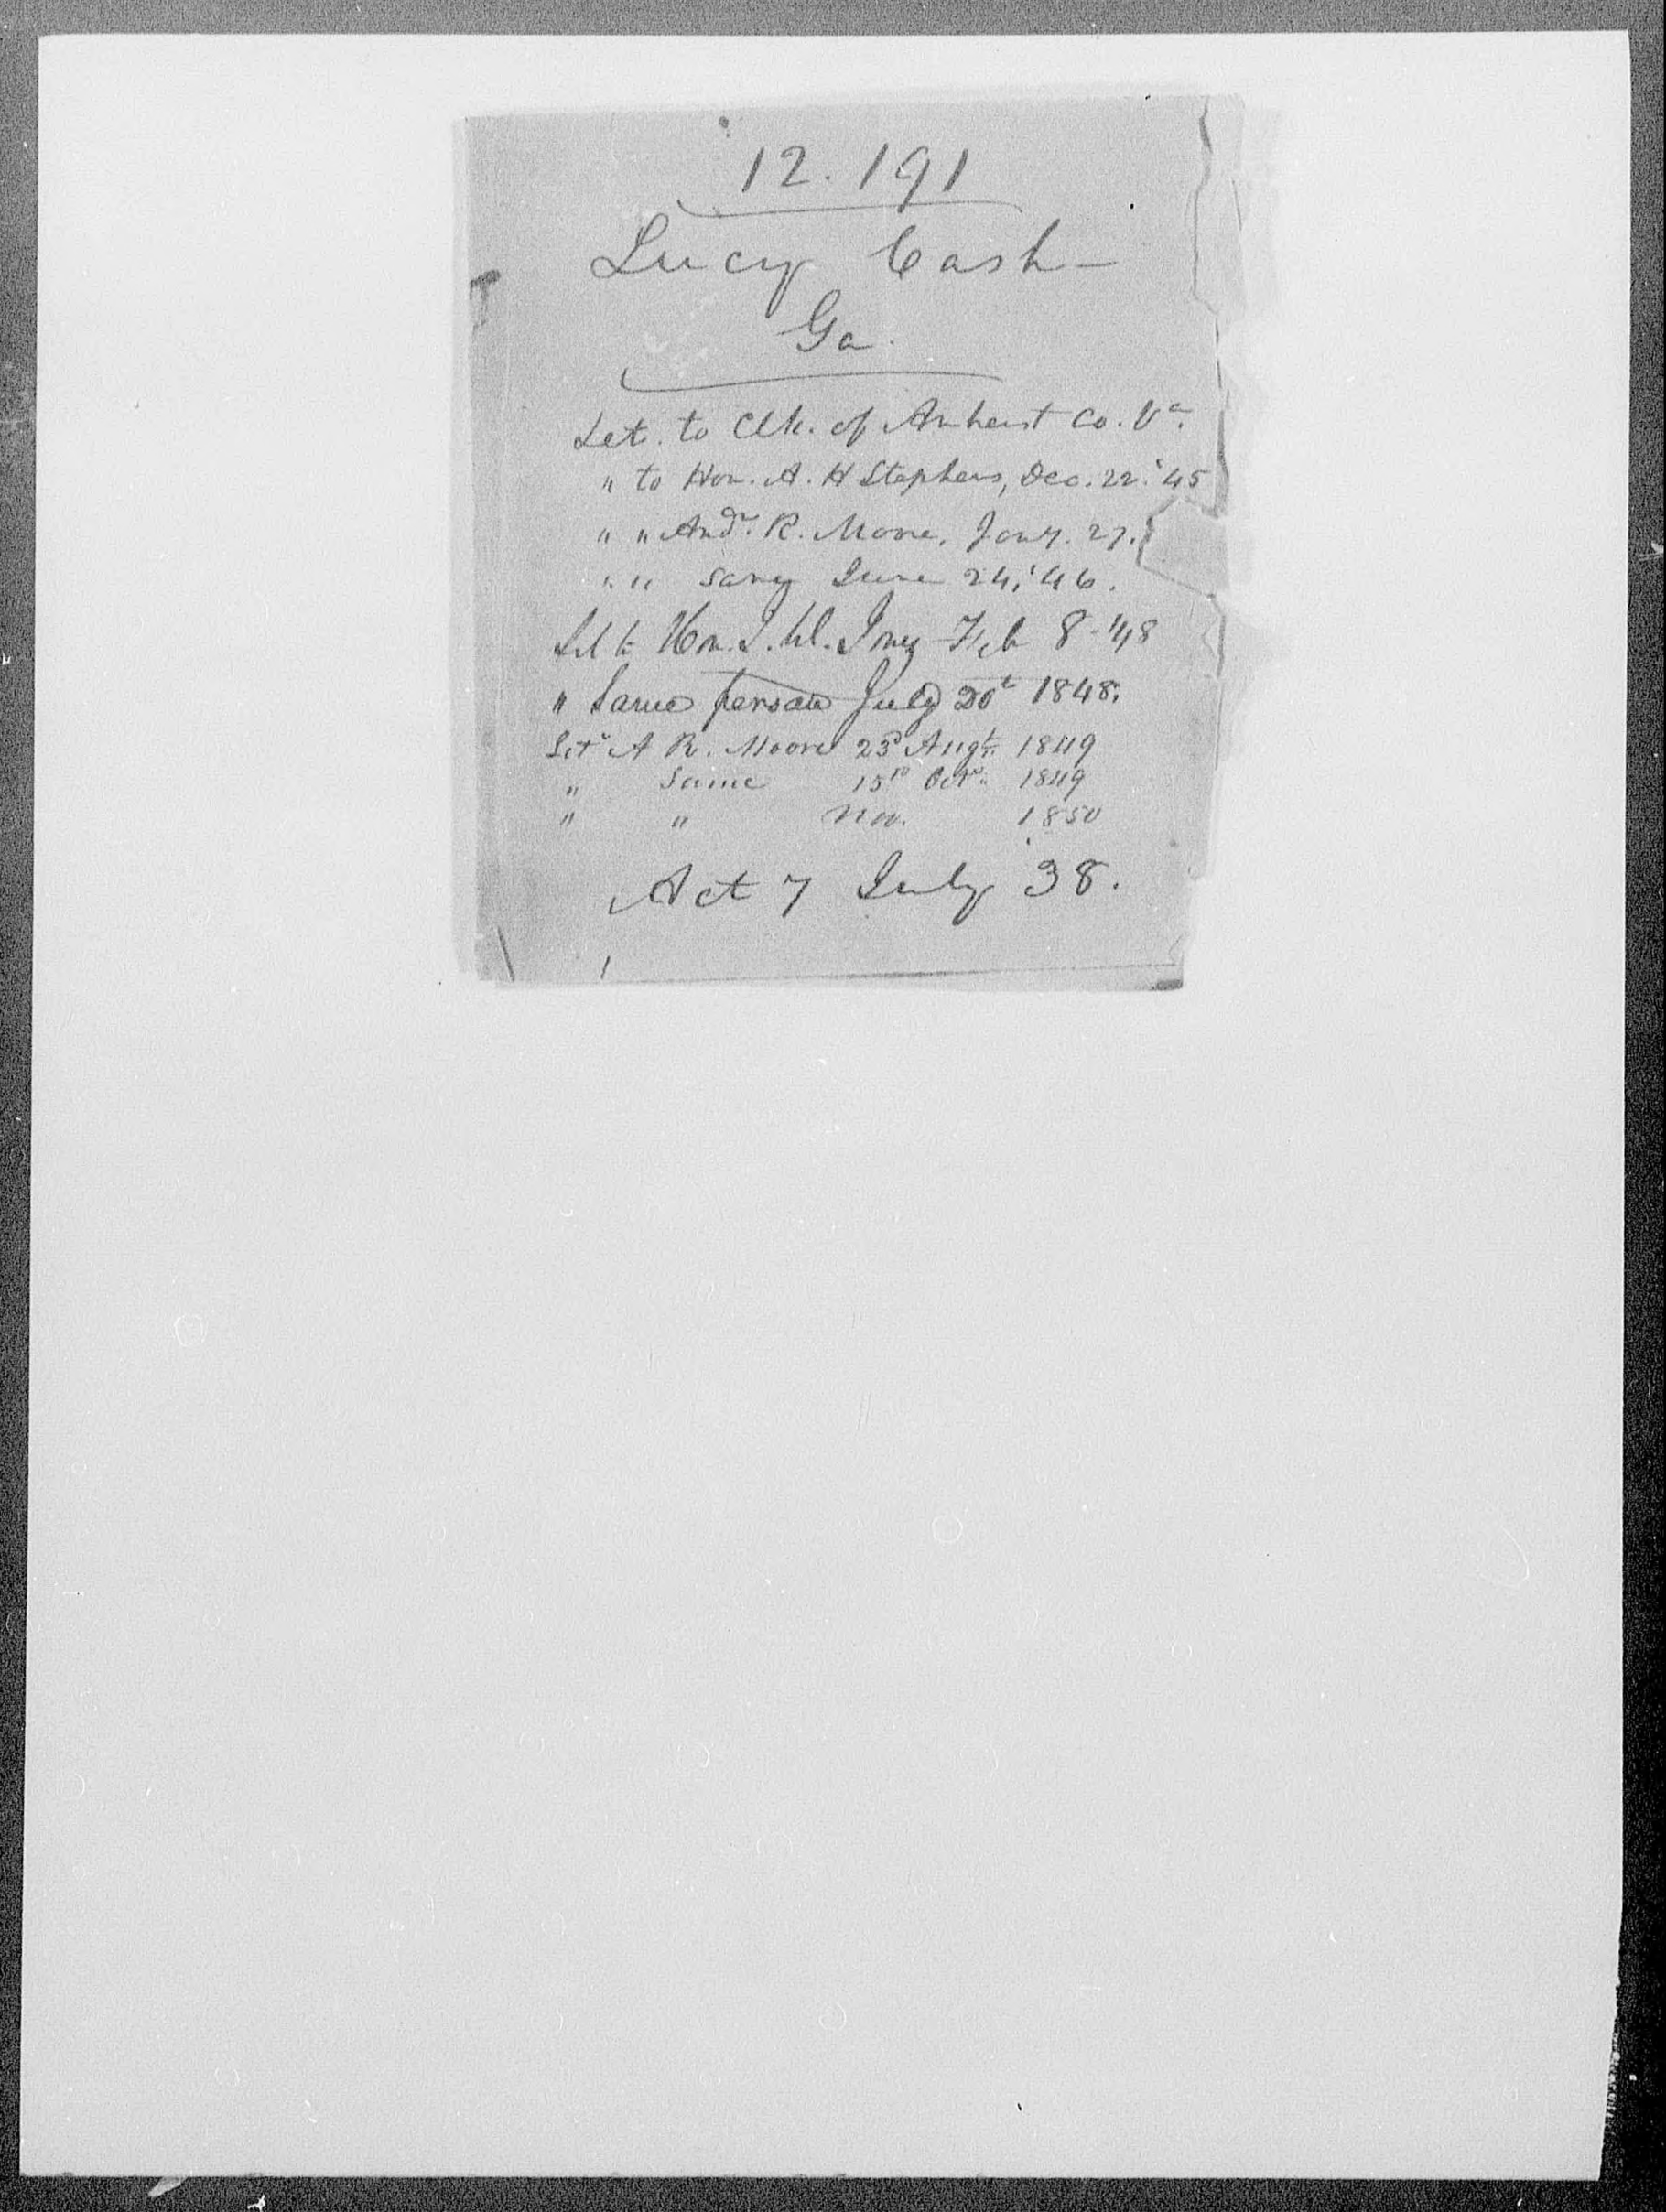12.191
Lucy Cash
Ga
Let to Clk of Amherst Co. Va
" to Hon. A. H. Stephens, Dec. 22. 45
" " And R. Moore, Jan. 27.
" " Sary June 24, 46
Let. to t Hon. J.D Jones Feb 1848
same person July 20th 1848.
Let  to A R. Moore 23d Augt 1849
Same 15th Oct 1849
Nov. 1830

Act 7 July 1838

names: J D Jones, Andr R Moore, Lucy Cash, A H Stephens, A R Moore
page: 24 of 73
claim: widow's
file: W. 5,894, John Cash, Va.